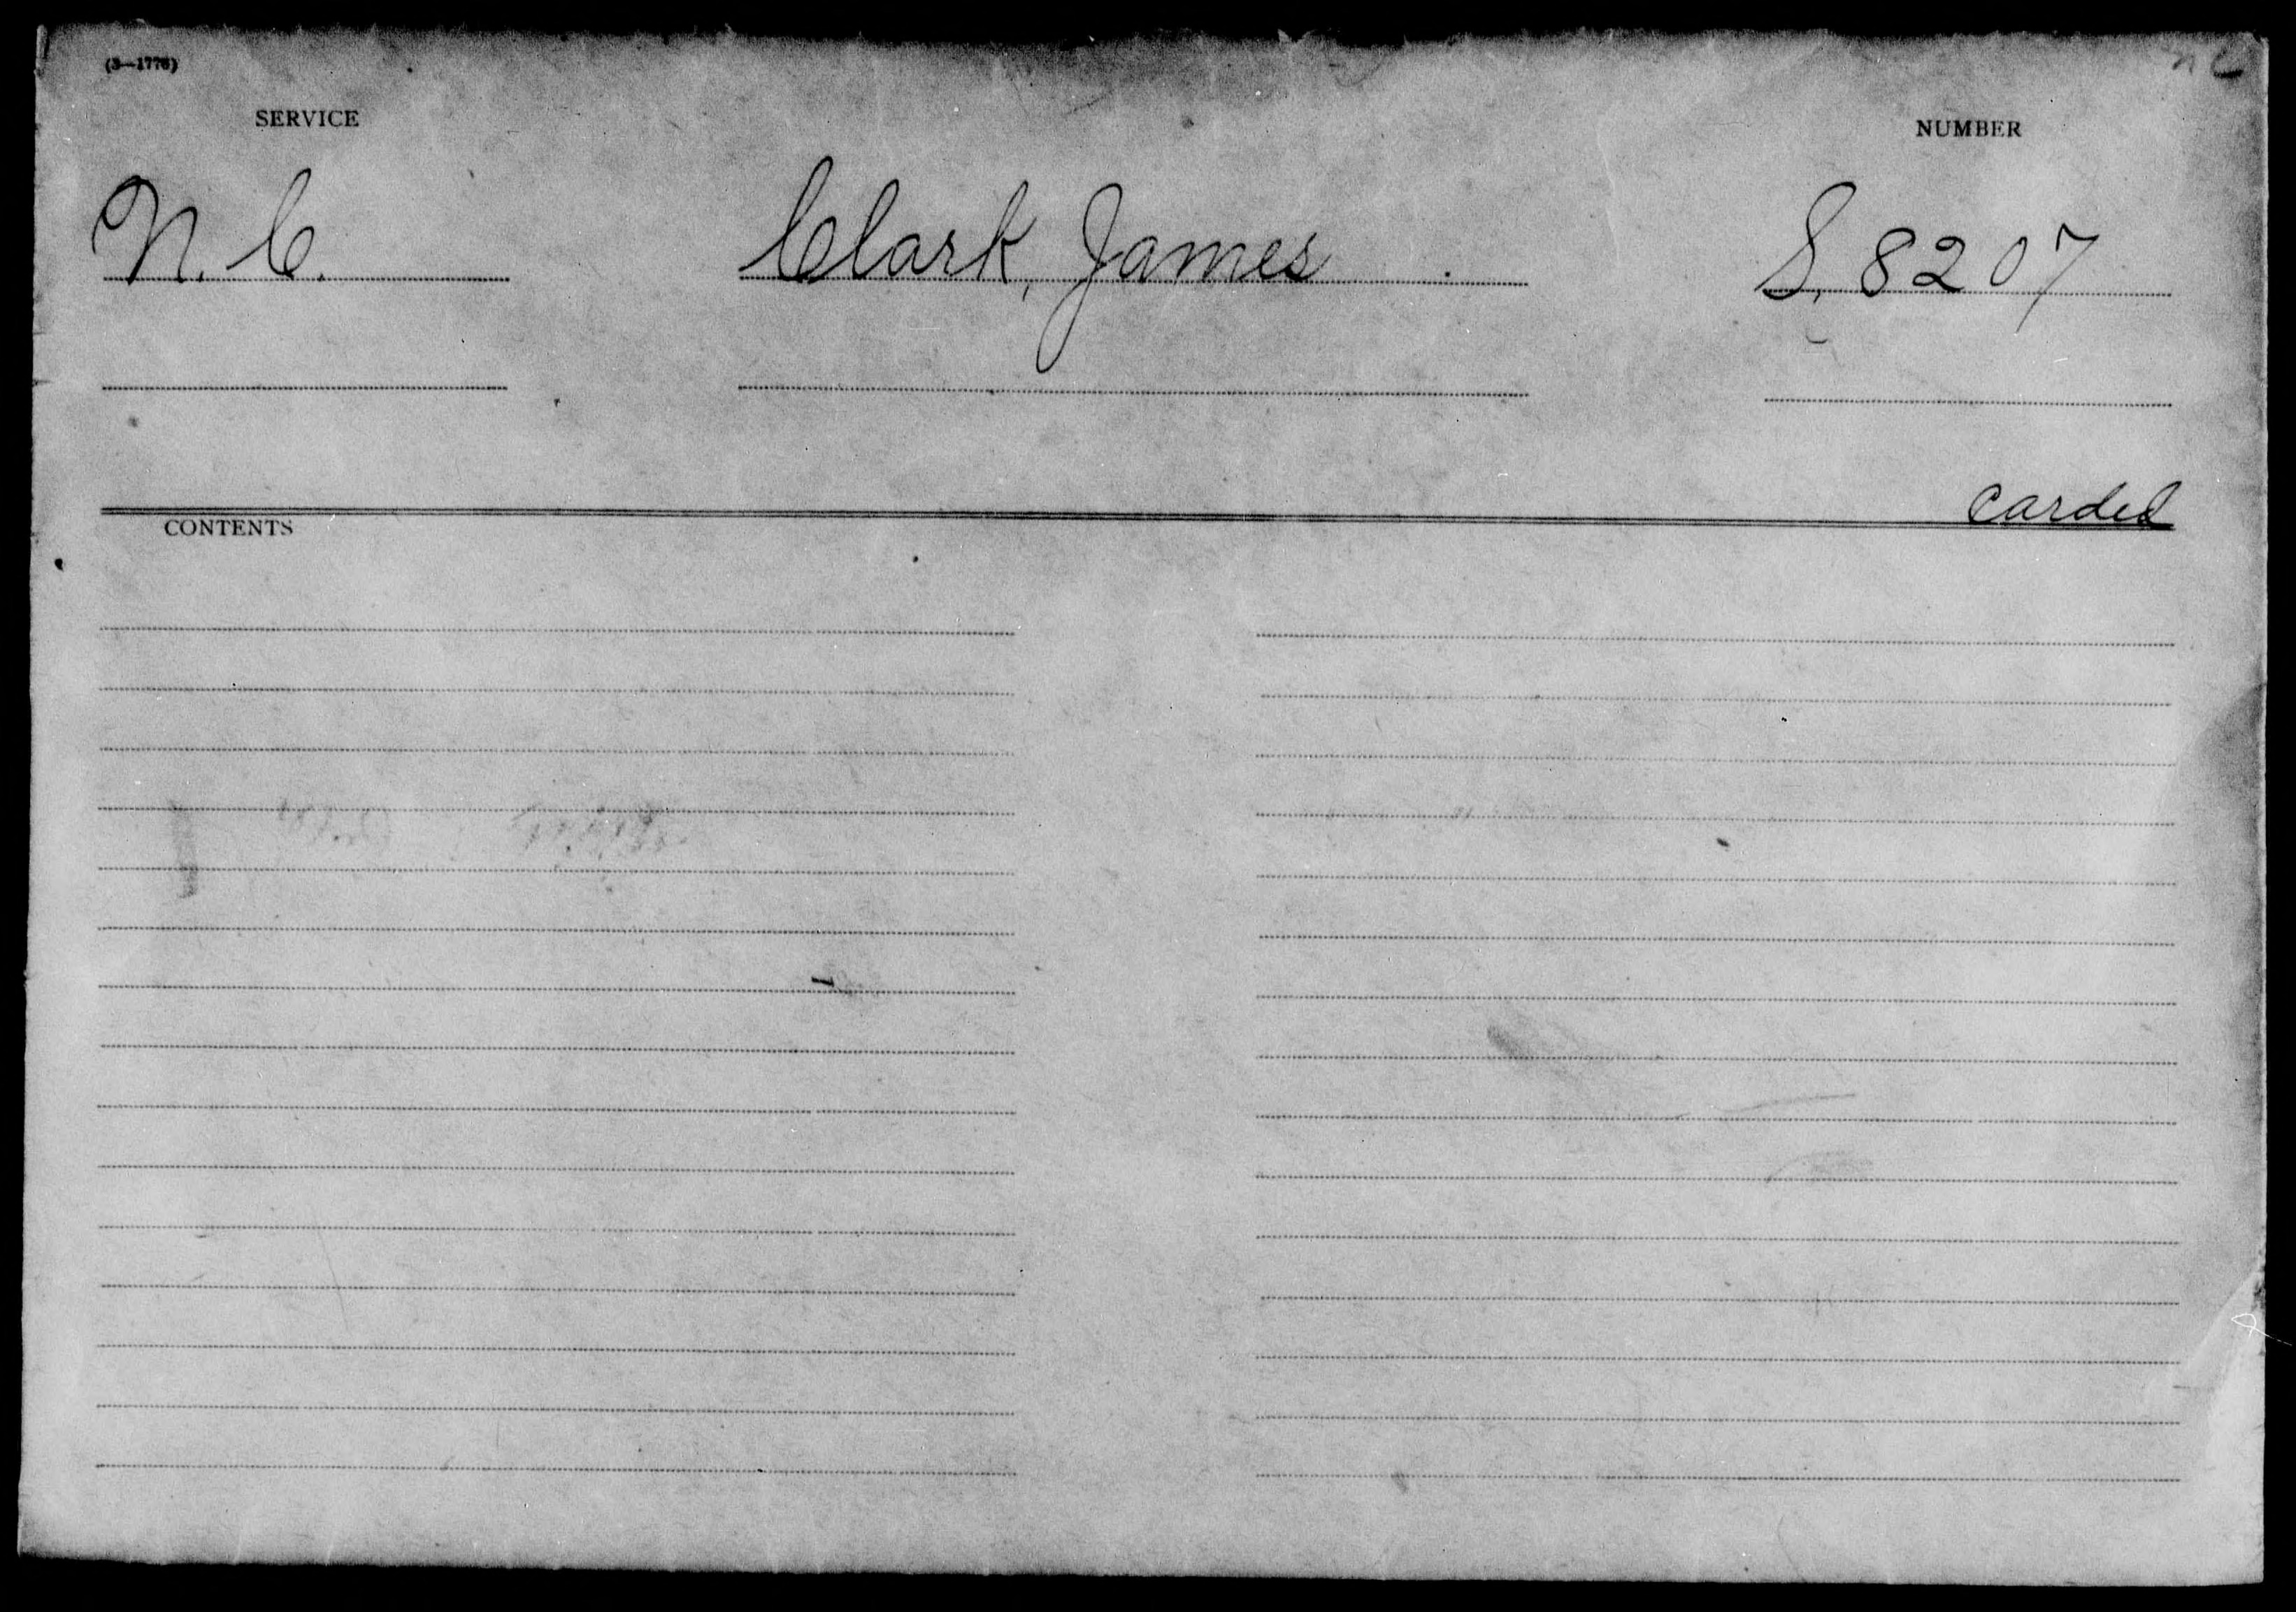Service
 N.C. 
Clark, James 
Number S. 8207
Carded 
CONTENTS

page: 1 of 16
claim: survivor's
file: S. 8207, James Clark, N.C.